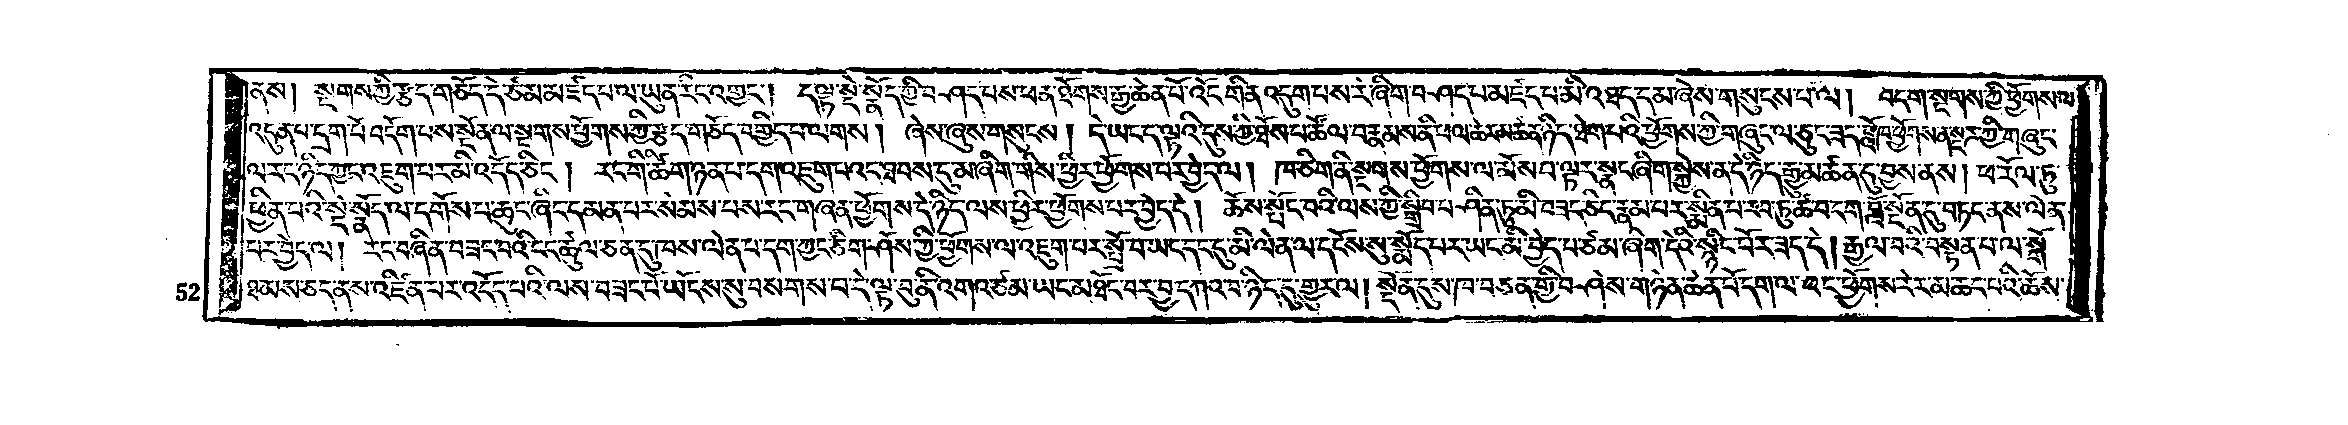ནས། སྔགས་ཀྱི་རྩད་གཅོད་དེ་ཙམ་མཛད་པ་ལ་ཡུན་རིང་འགྱང་། ད་ལྟ་སྡེ་སྣོད་ཀྱི་བཤད་པས་ཕན་ཐོགས་རྒྱ་ཆེན་པོ་འོང་གིན་འདུག་པས་རེ་ཞིག་བཤད་པ་མཛད་པ་མི་འཐད་དམ་ཞེས་གསུངས་པ་ལ། བདག་སྔགས་ཀྱི་ཕྱོགས་ལ་
འདུན་པ་དྲག་པོ་བདོག་པས་སྔོན་ལ་སྔགས་ཕྱོགས་ཀྱི་རྩད་གཅོད་བགྱིད་པ་ལགས། ཞེས་ཞུས་གསུངས། དེ་ཡང་ད་ལྟའི་དུས་ཀྱི་ཐོས་པ་ཚོལ་བ་རྣམས་ནི་ཕལ་ཆེར་མཚན་ཉིད་ཐེག་པའི་ཕྱོགས་ཀྱི་གཞུང་ལ་ཅུང་ཟད་བློ་ཁ་ཕྱོགས་ན་སྔགས་ཀྱི་གཞུང་
ལ་རང་ཉིད་ཀྱང་འཇུག་པར་མི་འདོད་ཅིང་། རང་གི་ཚིག་ཉན་པ་དག་འཇུག་པའང་ཐབས་དུ་མ་ཞིག་གིས་ཕྱིར་ཕྱོགས་པར་བྱེད་ལ། ཁ་ཅིག་ནི་སྔགས་ཕྱོགས་ལ་མོས་པ་ལྟར་སྣང་ཞིག་སྐྱེས་ན་དེ་ཉིད་རྒྱུ་མཚན་དུ་བྱས་ནས། ཕ་རོལ་ཏུ་
ཕྱིན་པའི་སྡེ་སྣོད་ལ་དགོས་པ་ཆུང་ཞིང་དམན་པར་སེམས་པས་རང་གཞན་ཕྱོགས་དེ་ཉིད་ལས་ཕྱིར་ཕྱོགས་པར་བྱེད་དེ། ཆོས་སྤོང་བའི་ལས་ཀྱི་སྒྲིབ་པ་ཤིན་ཏུ་མི་བཟད་ཅིང་རྣམ་པར་སྨིན་པ་རབ་ཏུ་ཚ་བ་ངག་བློ་སྔོན་དུ་བཏང་ནས་ལེན་
པར་བྱེད་ལ། རང་བཞིན་བཟང་བའི་ངང་ཚུལ་ཅན་དུ་ཁས་ལེན་པ་དག་ཀྱང་ཅིག་ཤོས་ཀྱི་ཕྱོགས་ལ་འཇུག་པར་སྤྲོ་བ་ཡང་དང་དུ་མི་ལེན་ལ་དངོས་སུ་སྨོད་པར་ཡང་མི་བྱེད་པ་ཙམ་ཞིག་དེའི་སྙིང་པོར་ཟད་དེ། རྒྱལ་བའི་བསྟན་པ་ལ་སྒོ་
ཐམས་ཅད་ནས་འཛིན་པར་འདོད་པའི་ལས་བཟང་པོ་ཡོངས་སུ་བསགས་པ་དེ་ལྟ་བུ་ནི་འགའ་ཙམ་ཡང་མཐོང་བར་བྱ་དཀའ་བ་ཉིད་དུ་གྱུར་ལ། སྔོན་དུས་ཁ་བ་ཅན་གྱི་བཤེས་གཉེན་ཆེན་པོ་དག་ལ་འང་ཕྱོགས་རེར་མ་ཆད་པའི་ཆོས་